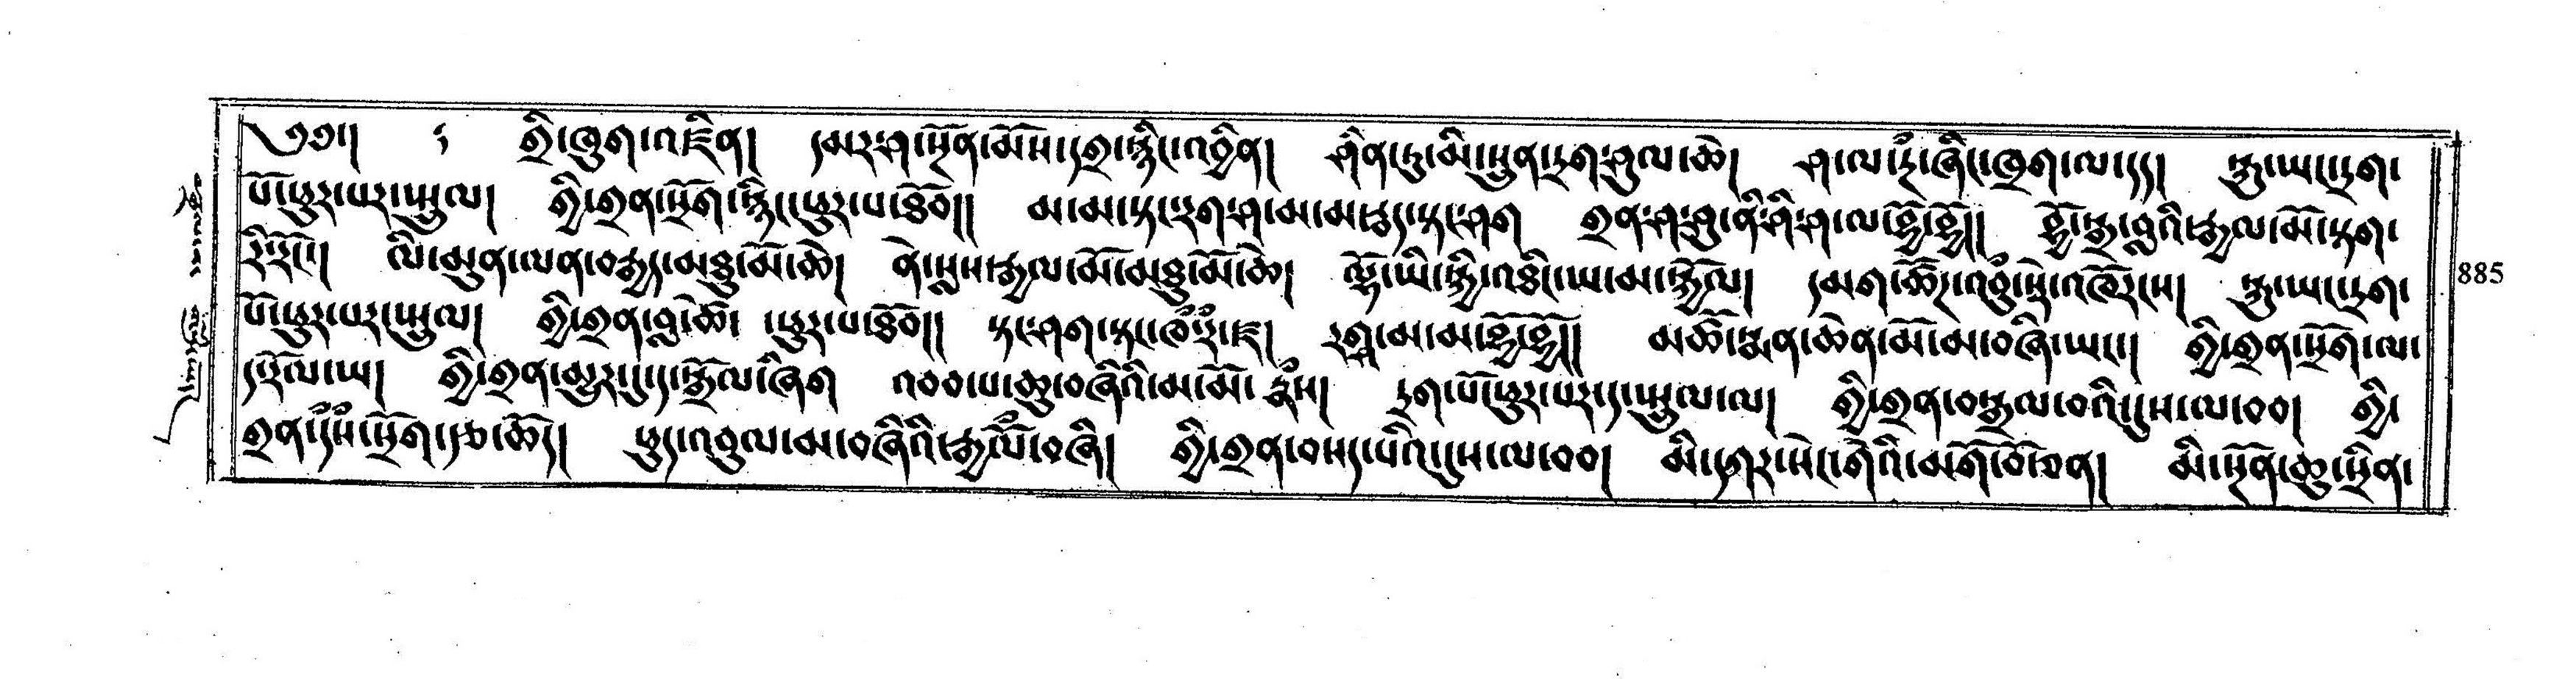གྲི་ཁུག་འཛིན། དམར་ཤ་སྔོན་མོས་དགྲ་སྙིང་འབྱིན། ཤིན་ཏུ་མི་སྲུན་དྲག་ཤུལ་ཆེ། ཤ་ལ་རྔམ་ཞིང་ཁྲག་ལ་དད། སྐུ་ཡང་དྲག་
པོ་ཕུར་པར་སྤྲུལ། གྱི་གྲན་སྲོག་སྙིང་ཕུར་པ་ཐོབ།། མ་མ་སྟང་རག་ཤ་མ་མ་རྦད་སྟང་ཤག གྲན་ཤ་ཤུ་ནི་ཤི་ཤ་ལ་བྷྱོ་བྷྱོ།། བྷྱོ་སྒྲ་བླའི་རྒྱལ་མོ་སྟག་
རི་རོང་། ལི་མུན་ལན་བརྒྱད་མཐུ་མོ་ཆེ། ནེ་སླས་རྒྱལ་མོ་མཐུ་མོ་ཆེ། ལྷོ་ཡི་སྐྱི་འཐིང་ཡ་མ་སྐྱོལ། དམག་ཚོགས་འབུམ་སྡེ་འཁོར་དང་བཅས། སྐུ་ཡང་དྲག་
པོ་ཕུར་པར་སྤྲུལ། གྱི་གྲན་བླ་ཚེ་ཕུར་པ་ཐོབ།། སྟང་ཤག་སྟང་ཁཾ་རཾ་ཛ། རགྴ་མ་མ་བྷྱོ་བྷྱོ།། མཚོ་སྨན་ཆེན་མོ་མ་བཞི་ཡང་། གྱི་གྲན་སྲོག་ལ་
ད་རོལ་ཡ། གྱི་གྲན་མྱུར་དུ་ད་སྒྲོལ་ཞིག འབབ་པ་ཆུ་བཞིའི་མ་མོ་རྣམས། དྲག་པོ་ཕུར་པར་ད་སྤྲུལ་ལ། གྱི་གྲན་བསྒྲལ་བའི་དུས་ལ་བབ། གྱི་
གྲན་དམ་རྫས་སྲོག་རྩ་ཆོད། ཕུད་འབུལ་མ་བཞིའི་རྒྱལ་མོ་བཞི། གྱི་གྲན་བསད་པའི་དུས་ལ་བབ། མི་དཀར་སེང་གེའི་མགོ་བོ་ཅན། མི་སྔོན་ཆུ་སྲིན་